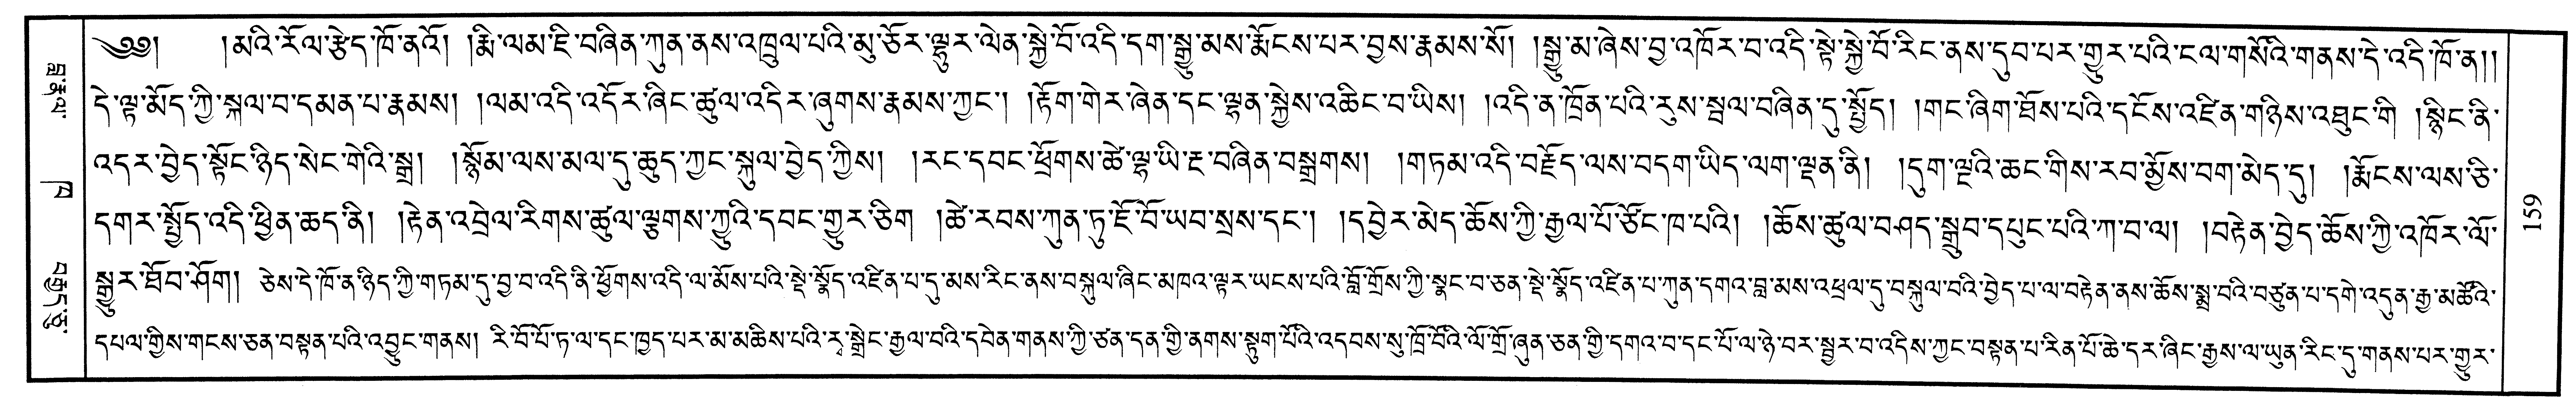༄༅། །མའི་རོལ་རྩེད་ཁོ་ནའོ། །རྨི་ལམ་ཇི་བཞིན་ཀུན་ནས་འཁྲུལ་པའི་མུ་ཅོར་ལྷུར་ལེན་སྐྱེ་བོ་འདི་དག་སྒྱུ་མས་རྨོངས་པར་བྱས་རྣམས་སོ། །སྒྱུ་མ་ཞེས་བྱ་འཁོར་བ་འདི་སྟེ་སྐྱེ་བོ་རིང་ནས་དུབ་པར་གྱུར་པའི་ངལ་གསོའི་གནས་དེ་འདི་ཁོ་ན།།
དེ་ལྟ་མོད་ཀྱི་སྐལ་བ་དམན་པ་རྣམས། །ལམ་འདི་འདོར་ཞིང་ཚུལ་འདིར་ཞུགས་རྣམས་ཀྱང་། །རྟོག་གེར་ཞེན་དང་ལྷན་སྐྱེས་འཆིང་བ་ཡིས། །འདི་ན་ཁྲོན་པའི་རུས་སྦལ་བཞིན་དུ་སྤྱོད། །གང་ཞིག་ཐོས་པའི་དངོས་འཛིན་གཉིས་འཐུང་གི །སྙིང་ནི་
འདར་བྱེད་སྟོང་ཉིད་སེང་གེའི་སྒྲ། །སྙོམ་ལས་མལ་དུ་ཆུད་ཀྱང་སྐུལ་བྱེད་ཀྱིས། །རང་དབང་ཕྲོགས་ཚེ་ལྷ་ཡི་རྔ་བཞིན་བསྒྲགས། །གཏམ་འདི་བརྗོད་ལས་བདག་ཡིད་ལག་ལྡན་ནི། །དུག་ལྔའི་ཆང་གིས་རབ་མྱོས་བག་མེད་དུ། །རྨོངས་ལས་ཅི་
དགར་སྤྱོད་འདི་ཕྱིན་ཆད་ནི། །རྟེན་འབྲེལ་རིགས་ཚུལ་ལྕགས་ཀྱུའི་དབང་གྱུར་ཅིག །ཚེ་རབས་ཀུན་ཏུ་ཇོ་བོ་ཡབ་སྲས་དང་། །དབྱེར་མེད་ཆོས་ཀྱི་རྒྱལ་པོ་ཙོང་ཁ་པའི། །ཆོས་ཚུལ་བཤད་སྒྲུབ་དཔུང་པའི་ཀ་བ་ལ། །བརྟེན་བྱེད་ཆོས་ཀྱི་འཁོར་ལོ་
སྒྱུར་ཐོབ་ཤོག །ཅེས་དེ་ཁོ་ན་ཉིད་ཀྱི་གཏམ་དུ་བྱ་བ་འདི་ནི་ཕྱོགས་འདི་ལ་མོས་པའི་སྡེ་སྣོད་འཛིན་པ་དུ་མས་རིང་ནས་བསྐུལ་ཞིང་མཁའ་ལྟར་ཡངས་པའི་བློ་གྲོས་ཀྱི་སྣང་བ་ཅན་སྡེ་སྣོད་འཛིན་པ་ཀུན་དགའ་བླ་མས་འཕྲལ་དུ་བསྐུལ་བའི་བྱེད་པ་ལ་བརྟེན་ནས་ཆོས་སྨྲ་བའི་བཙུན་པ་དགེ་འདུན་རྒྱ་མཚོའི་
དཔལ་གྱིས་གངས་ཅན་བསྟན་པའི་འབྱུང་གནས། རི་བོ་པོ་ཏ་ལ་དང་ཁྱད་པར་མ་མཆིས་པའི་རྭ་སྒྲེང་རྒྱལ་བའི་དབེན་གནས་ཀྱི་ཙན་དན་གྱི་ནགས་སྟུག་པོའི་འདབས་སུ་ཁྲོ་བོའི་ལོ་གྲོ་ཞུན་ཅན་གྱི་དགའ་བ་དང་པོ་ལ་ཉེ་བར་སྦྱར་བའི་འདིས་ཀྱང་བསྟན་པ་རིན་པོ་ཆེ་དར་ཞིང་རྒྱས་ལ་ཡུན་རིང་དུ་གནས་པར་གྱུར་